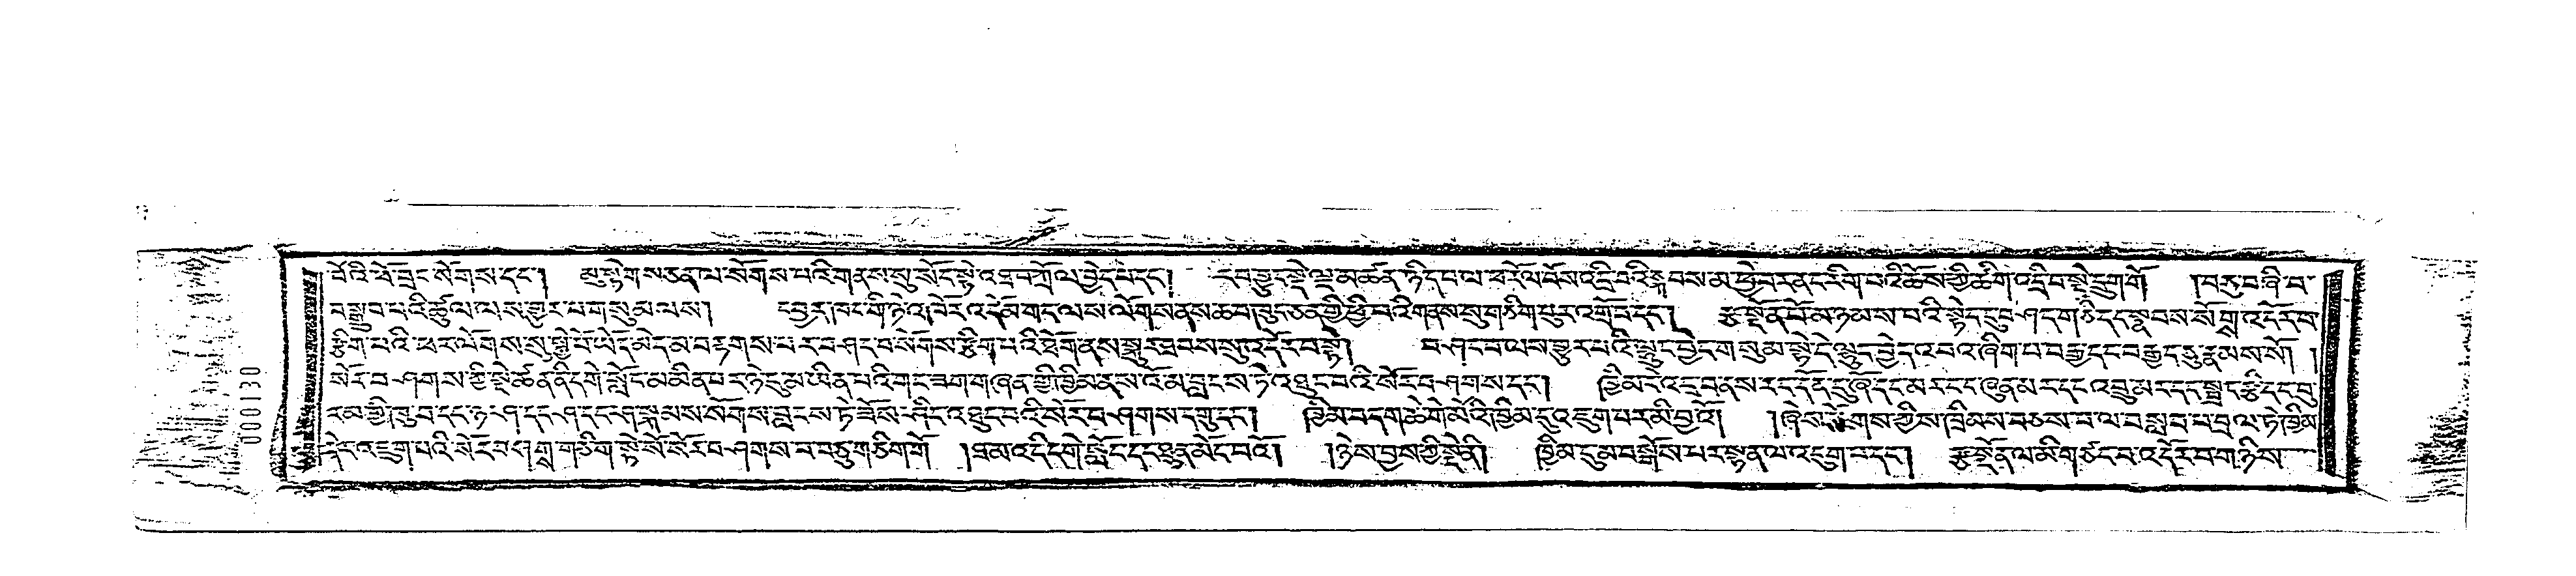བོའི་ཕོ་བྲང་སོགས་དང་། མུ་སྟེགས་ཅན་ལ་སོགས་པའི་གནས་སུ་སོང་སྟེ་འཐབ་ཀྲོལ་བྱེད་པ་དང་། རབ་བྱུང་སྡེ་ལྔ་མཚན་ཉིད་པ་ལ་ཕ་རོལ་བོས་འདྲི་བའི་སྐབས་མ་ཕྱེ་བར་ནང་རིག་པའི་ཆོས་ཀྱི་ཚིག་འདྲི་བ་སྡེ་དྲུག་གོ །བཅུ་བཞི་པ་
བསྒྲུབ་པའི་ཚུལ་ལས་གྱུར་པ་གསུམ་ལས། དབྱར་ཁང་གི་ཉེ་འཁོར་འདོམ་གང་ལས་ལོགས་ནས་ཆབ་ཁུང་ཅན་གྱི་ཕྱི་བའི་གནས་སུ་གཅིག་པུར་འགྲོ་བ་དང་། རྩ་སྔོན་པོ་མ་ཉམས་པའི་སྟེང་དུ་བཤད་གཅི་དང་སྣབས་སོགས་འདོར་བ་
རྩིག་པའི་ཕར་ལོགས་སུ་སྐྱེ་བོ་ཡོད་མེད་མ་བརྟགས་པར་བཤད་བ་སོགས་རྩིག་པའི་ཐོག་ནས་སྐུར་ཐབས་སུ་འདོར་བ་སྟེ། བཤང་བ་ལས་གྱུར་པའི་ལྷུང་བྱེད་གསུམ་སྟེ་དེ་ལྟུང་བྱེད་འབའ་ཞིག་པ་བརྒྱ་དང་བརྒྱད་ཅུ་རྣམས་སོ། །
སོར་བཤགས་ཀྱི་སྡེ་ཚན་ནི་དགེ་སློང་མ་མིན་པར་ཉེ་དུ་མ་ཡིན་པའི་གང་ཟག་གཞན་གྱི་ཁྱིམ་ནས་འོ་མ་བླངས་ཏེ་འཐུང་བའི་སོར་བཤགས་དང་། ཁྱིམ་དེ་འདྲ་བ་ནས་རང་དོན་དུ་ཞོ་དང་མར་དང་ཞུན་མར་དང་འབྲུ་མར་དང་སྦྲང་རྩི་དང་བུ་
རམ་གྱི་ཁུ་བ་དང་ཉ་ཤ་དང་ཤ་དང་ཤ་སྐམས་སོགས་བླངས་ཏེ་ཟོས་ཤིང་འཐུང་བའི་སོར་བཤགས་དགུ་དང་། ཁྱིམ་བདག་ཆེ་གེ་མོའི་ཁྱིམ་དུ་འཇུག་པར་མི་བྱའོ། །ཞེས་སོགས་ཀྱིས་ཁྲིམས་བཅས་པ་ལ་བསླབ་པ་བྲལ་ཏེ་ཁྱིམ་
དེར་འཇུག་པའི་སོར་བཤགས་གཅིག་སྟེ་སོ་སོར་བཤགས་པ་བཅུ་གཅིག་གོ །ཐ་མ་འདི་དགེ་སློང་དང་ཐུན་མོང་བའོ། །ཉེས་བྱས་ཀྱི་སྡེ་ནི། ཁྱིམ་དུ་མ་བསྒོས་པར་སྟན་ལ་འདུག་པ་དང་། རྩ་སྔོན་ལ་མི་གཙང་བ་འདོར་བ་གཉིས་